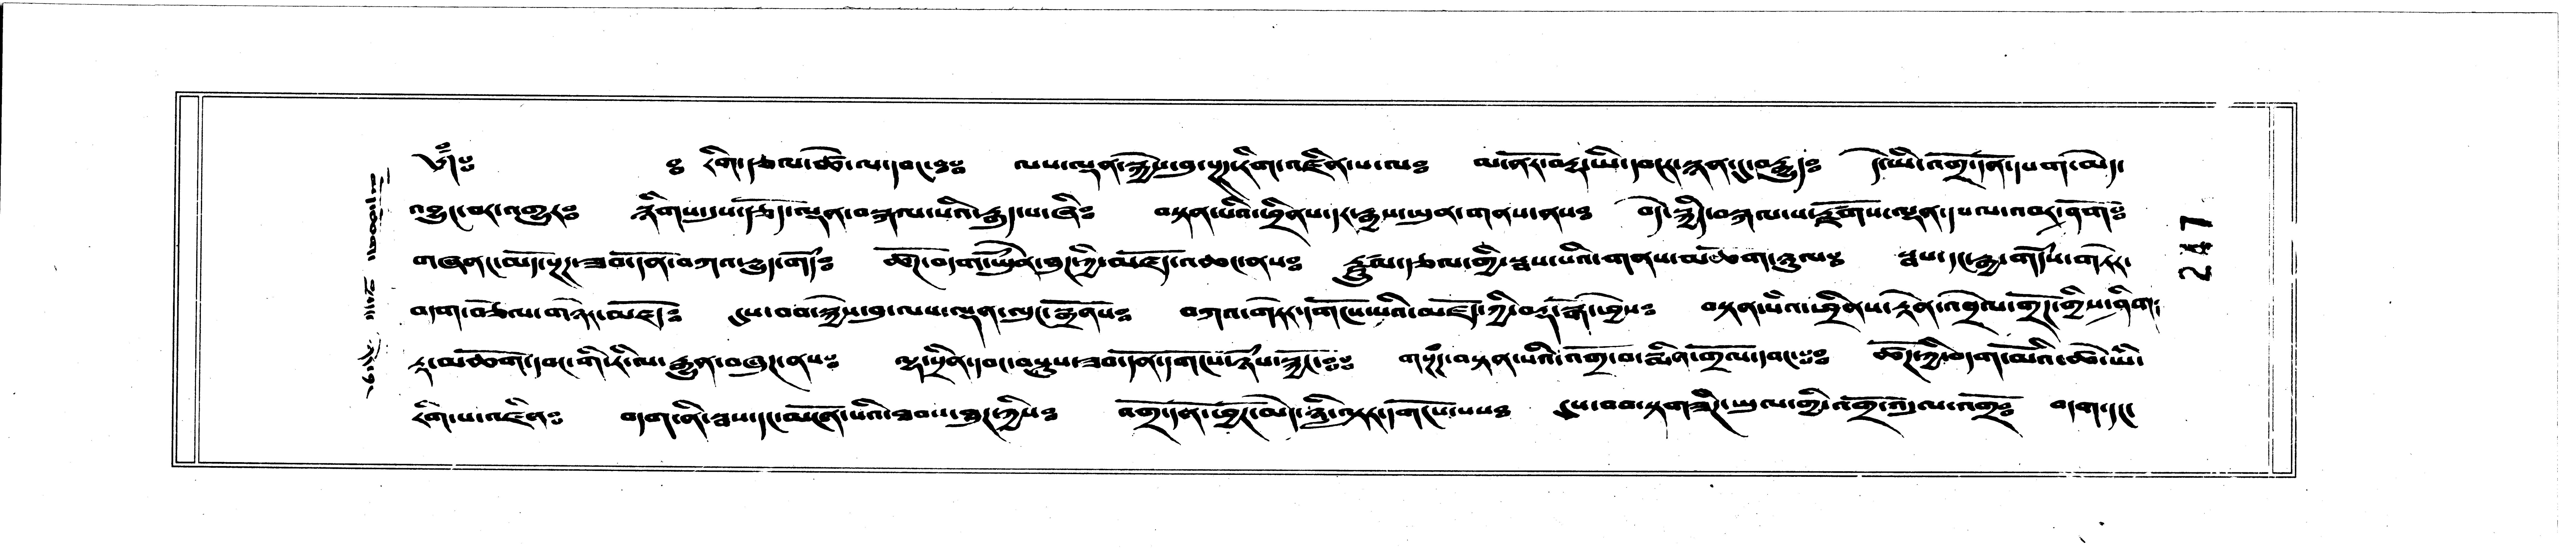རིག་རྩལ་ཚེ་ལ་དབངཿ ལས་ལྡན་སྐྱེས་བུ་སྔགས་རིག་འཛིན་པ་ལཿ མ་ནོར་ལྷ་ཡི་དབང་བསྐུར་སྙན་དུ་བརྒྱུདཿ དེ་ཡིས་འགྲོ་དོན་དཔག་མེད་
འབྱུང་བར་འགྱུརཿ སྙིགས་དུས་རྩོད་ལྡན་བསྐལ་པའི་རྒུད་པ་ཞིཿ བསྟན་པའི་ཕྲིན་ལས་དར་རྒྱས་ཡུན་གནས་ནསཿ བདེ་སྐྱིད་བསྐལ་པ་རྫོགས་ལྡན་དཔལ་འབར་ཤོགཿ
 གཞན་ཡང་མདོ་སྔགས་ཟབ་དོན་བཀའ་བརྒྱུད་གདམསཿ ཚོགས་བདག་ཡུམ་ཆེན་ཐུགས་ཀྱི་མཛོད་འཆང་ནསཿ རྫུ་འཕྲུལ་རྩལ་གྱིས་སྦས་པའི་གནས་མཆོག་ཉུལཿ སྦས་དང་རྒྱ་བསྡམས་གཏེར་
བདག་བཅོལ་གཉེར་མཛོདཿ དུས་བབས་སྐྱེས་བུ་ལས་ལྡན་ལུང་སྒྲོགསཿ བཀའ་གཏེར་དགོངས་པའི་མཛོད་ཀྱི་བརྡ་སྒོ་ཕྱེསཿ བསྟན་པའི་འཕྲིན་ལས་རྟེན་འབྲེལ་གྲོགས་གྱིས་ཤིོགཿ 
རྟ་མཆོག་དབང་གི་རི་ལ་རྒྱུན་བཞུགས་ནསཿ ལྷ་སྲིན་དབང་བསྡུས་ཟབ་དོན་དགོངས་ཉམས་སྐྱོངཿ གསང་སྔགས་བསྟན་པའི་འགྲོ་བ་སྨིན་གྲོལ་དབངཿ ཚོགས་ཀྱི་བདག་མོའི་ཚེ་ཡི་
རིག་པ་འཛིནཿ བདག་ནི་སྦས་དང་མངོན་པའི་ཐབས་ཐུགས་ཀྱིསཿ འགྲོ་དོན་ཕྱོགས་མེད་ཉི་ཟླ་ལྟར་དགོངས་པསཿ དུས་བབས་རྟག་གཟིགས་ཡུལ་གྱི་འགྲོ་འདུལ་འགྲོཿ བདག་དང་